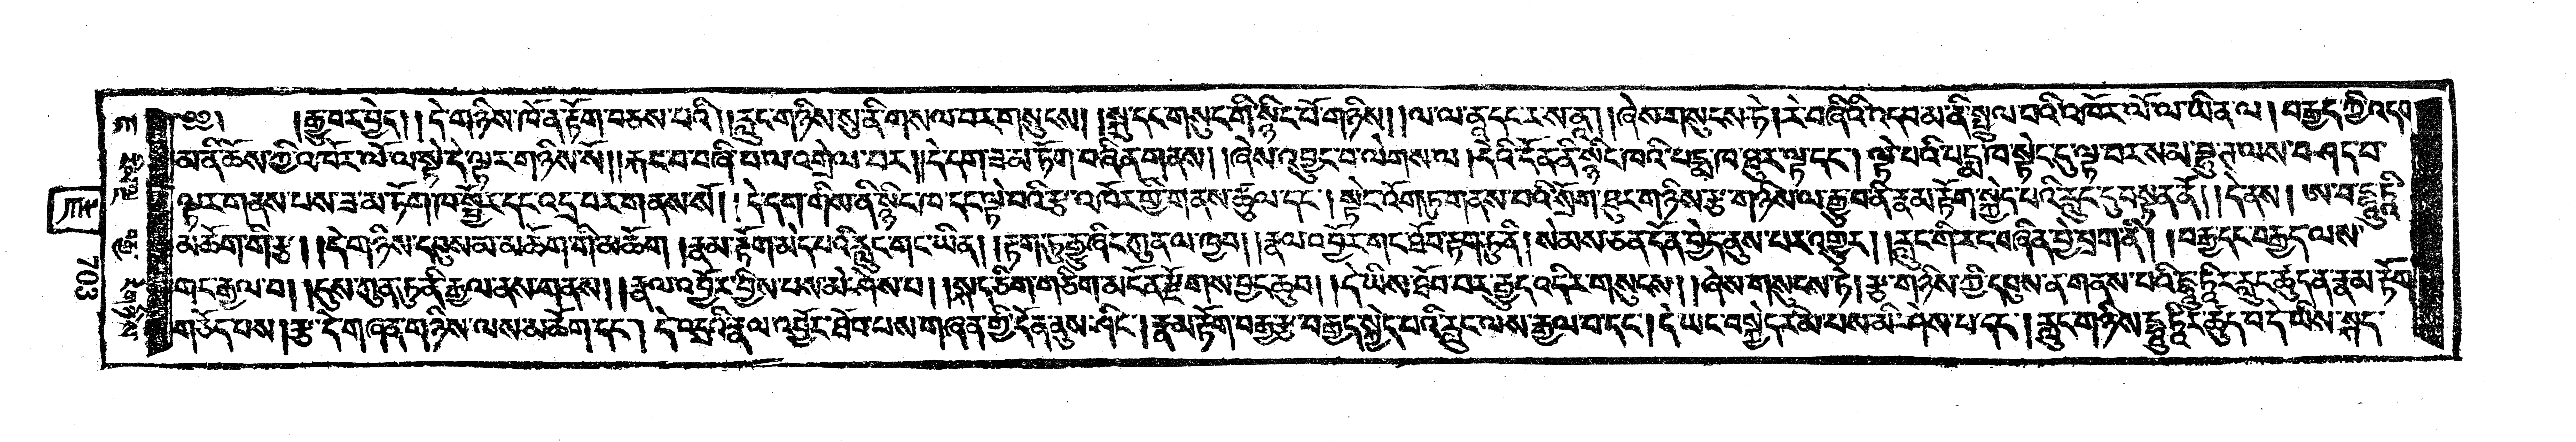༄༅། །རྒྱུ་བར་བྱེད། །དེ་གཉིས་ཁོ་ན་རྟོག་བཅས་པའི། །རླུང་གཉིས་སུ་ནི་གསལ་བར་གསུངས། །སྐུ་དང་གསུང་གི་སྙིང་པོ་གཉིས། །ལ་ལ་ནཱ་དང་ར་ས་ནཱ། །ཞེས་གསུངས་ཏེ། རེ་བཞིའི་འདབ་མ་ནི་སྤྲུལ་པའི་འཁོར་ལོ་ལ་ཡིན་ལ། བརྒྱད་ཀྱི་འདབ་
མ་ནི་ཆོས་ཀྱི་འཁོར་ལོ་ལ་སྟེ་དེ་ལྟར་གཉིས་སོ། །རྐང་བ་བཞི་པ་ལ་འགྲེལ་པར། །དེ་དག་ཟ་མ་ཏོག་བཞིན་གནས། །ཞེས་འབྱུང་བ་ལེགས་ལ། དེའི་དོན་ནི་སྙིང་ཁའི་པདམ་ཁ་ཐུར་ལྟ་དང་། ལྟེ་བའི་པདམ་ཁ་སྟེང་དུ་ལྟ་བར་སམ་བྷུ་ཊ་ལས་བཤད་པ་
ལྟར་གནས་པས་ཟ་མ་ཏོག་ཁ་སྦྱོར་དང་འདྲ་བར་གནས་སོ། །དེ་དག་གིས་ནི་སྙིང་ཁ་དང་ལྟེ་བའི་རྩ་འཁོར་གྱི་གནས་ཚུལ་དང་། སྟེང་འོག་ཏུ་གནས་པའི་སྲོག་ཐུར་གཉིས་རྩ་གཉིས་ལ་རྒྱུ་བ་ནི་རྣམ་རྟོག་སྐྱེད་པའི་རླུང་དུ་བསྟན་ནོ། །དེ་ནས། ཨ་བ་དྷཱུ་ཏཱི་
མཆོག་གི་རྩ། །དེ་གཉིས་དབུས་མ་མཆོག་གི་མཆོག །རྣམ་རྟོག་མེད་པའི་རླུང་གང་ཡིན། །རྟག་ཏུ་རྒྱུ་ཞིང་ཀུན་ལ་ཁྱབ། །རྣལ་འབྱོར་གང་ཐོབ་རྟག་ཏུ་ནི། སེམས་ཅན་དོན་བྱེད་ནུས་པར་འགྱུར། །རླུང་གི་རང་བཞིན་བྱེ་བྲག་ནི། །བརྒྱ་དང་བརྒྱད་ལས་
གང་རྒྱལ་བ། །དུས་ཀུན་ཏུ་ནི་རྒྱལ་ནས་གནས། །རྣལ་འབྱོར་བྱིས་པས་མེ་ཤེས་པ། །སྐད་ཅིག་གཅིག་མངོན་རྫོགས་བྱང་ཆུབ། །དེ་ཡིས་ཐོབ་པར་རྒྱུད་འདིར་གསུངས། །ཞེས་གསུངས་ཏེ། རྩ་གཉིས་ཀྱི་དབུས་ན་གནས་པའི་དྷཱུ་ཏཱིར་རླུང་ཚུད་ན་རྣམ་རྟོག་
གཅོད་པས། རྩ་དེ་གཞན་གཉིས་ལས་མཆོག་དང་། དེ་འདྲའི་རྣལ་འབྱོར་ཐོབ་པས་གཞན་གྱི་དོན་ནུས་ཤིང་། རྣམ་རྟོག་བརྒྱ་རྩ་བརྒྱད་སྐྱེད་པའི་རླུང་ལས་རྒྱལ་བ་དང་། དེ་ཡང་བསྐྱེད་རིམ་པས་མི་ཤེས་པ་དང་། རླུང་གཉིས་དྷཱུ་ཏཱིར་ཚུད་པ་དེ་ཡིས་སྐད་